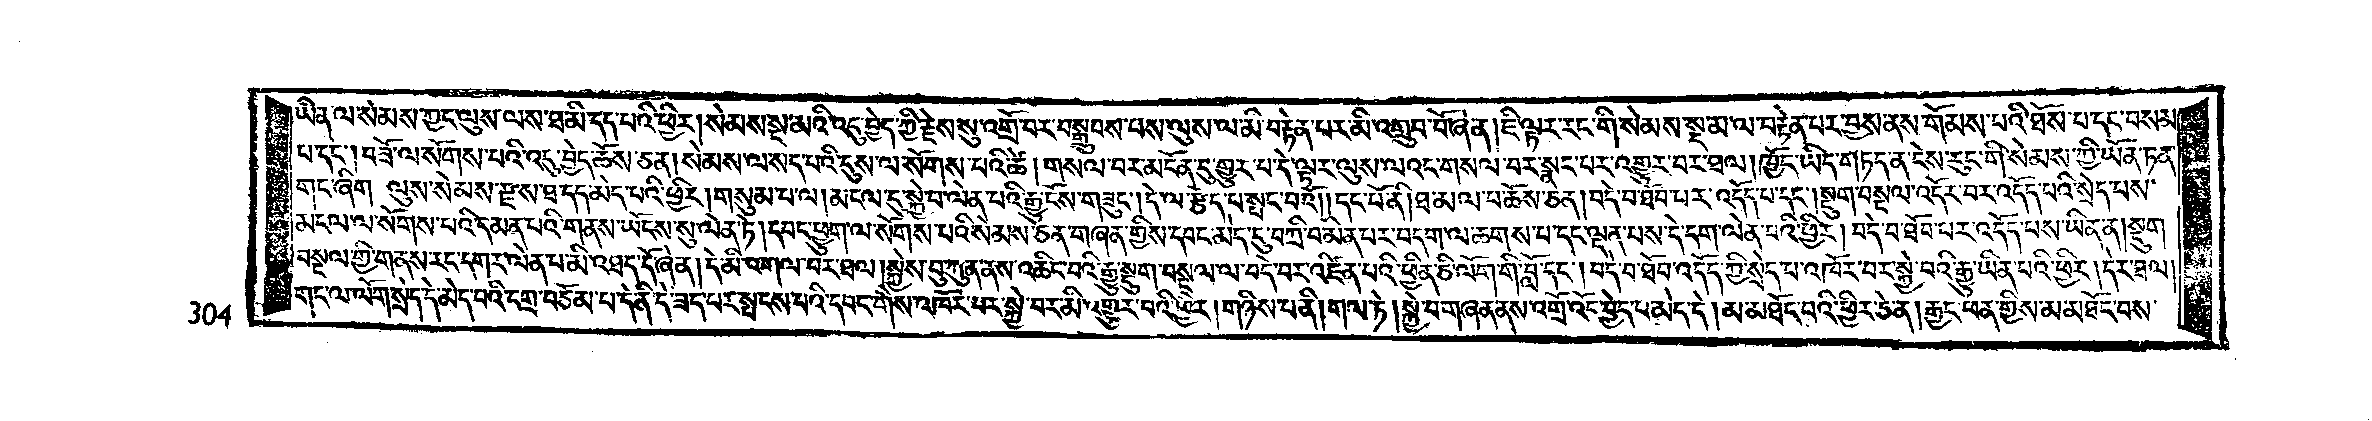ཡིན་ལ་སེམས་ཀྱང་ལུས་ལས་ཐ་མི་དད་པའི་ཕྱིར། སེམས་སྔ་མའི་འདུ་བྱེད་ཀྱི་རྗེས་སུ་འགྲོ་བར་བསྒྲུབས་པས་ལུས་ལ་མི་བརྟེན་པར་མི་འགྲུབ་བོ་ཞེ་ན། ཇི་ལྟར་རང་གི་སེམས་སྔ་མ་ལ་བརྟེན་པར་བྱས་ནས་གོམས་པའི་ཐོས་པ་དང་བསམ་
པ་དང་། བཟོ་ལ་སོགས་པའི་འདུ་བྱེད་ཆོས་ཅན། སེམས་ལ་སད་པའི་དུས་ལ་སོགས་པའི་ཚེ། གསལ་བར་མངོན་དུ་གྱུར་པ་དེ་ལྟར་ལུས་ལའང་གསལ་བར་སྣང་བར་འགྱུར་བར་ཐལ། ཁྱོད་ཡིད་གཏད་ན་ངེས་རུང་གི་སེམས་ཀྱི་ཡོན་ཏན་
གང་ཞིག་ལུས་སེམས་རྫས་ཐ་དད་མེད་པའི་ཕྱིར། གསུམ་པ་ལ། མངལ་དུ་སྐྱེ་བ་ལེན་པའི་རྒྱུ་ངོས་གཟུང་། དེ་ལ་རྩོད་པ་སྤང་བའོ། །དང་པོ་ནི། ཐ་མལ་པ་ཆོས་ཅན། བདེ་བ་ཐོབ་པར་འདོད་པ་དང་། སྡུག་བསྔལ་འདོར་བར་འདོད་པའི་སྲེད་པས་
མངལ་ལ་སོགས་པའི་དམན་པའི་གནས་ཡོངས་སུ་ལེན་ཏེ། དབང་ཕྱུག་ལ་སོགས་པའི་སེམས་ཅན་གཞན་གྱིས་དབང་མེད་དུ་བཀྲི་བ་མིན་པར་བདག་ལ་ཆགས་པ་དང་ལྡན་པས་དེ་དག་ལེན་པའི་ཕྱིར། བདེ་བ་ཐོབ་པར་འདོད་པས་ཡིན་ན། སྡུག་
བསྔལ་གྱི་གནས་རང་དགར་ལེན་པ་མི་འཐད་དོ་ཞེ་ན། དེ་མི་འགལ་བར་ཐལ། སྐྱེས་བུ་ཀུན་ནས་འཆིང་བའི་རྒྱུ་སྡུག་བསྔལ་ལ་བདེ་བར་འཛིན་པའི་ཕྱིན་ཅི་ལོག་གི་བློ་དང་།བདེ་བ་ཐོབ་འདོད་ཀྱི་སྲེད་པ་འཁོར་བར་སྐྱེ་བའི་རྒྱུ་ཡིན་པའི་ཕྱིར། དེར་ཐལ།
གང་ལ་ལོག་སྲེད་དེ་མེད་པའི་དགྲ་བཅོམ་པ་དེ་ནི་དེ་ཟད་པར་སྤངས་པའི་དབང་གིས་འཁོར་བར་སྐྱེ་བར་མི་འགྱུར་བའི་ཕྱིར། གཉིས་པ་ནི། གལ་ཏེ། སྐྱེ་བ་གཞན་ནས་འགྲོ་འོང་བྱེད་པ་མེད་དེ། མ་མཐོང་བའི་ཕྱིར་ཅེ་ན། རྒྱང་ཕན་གྱིས་མ་མཐོང་བས་